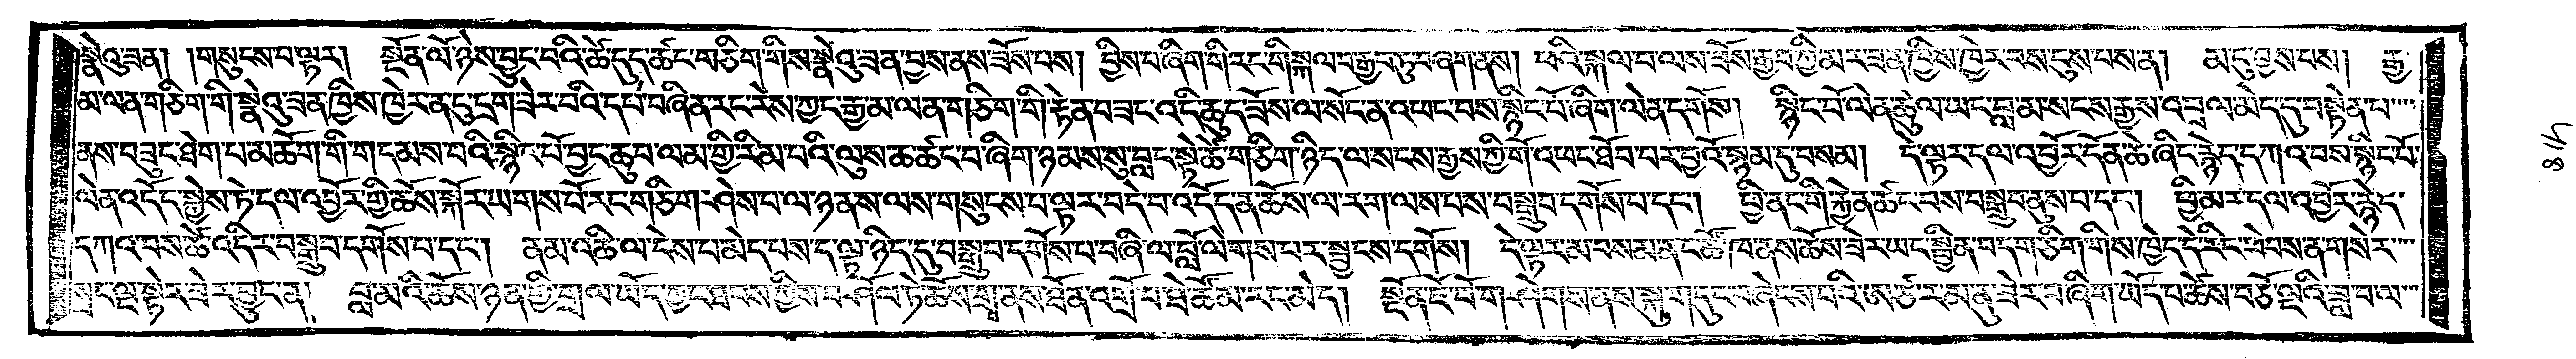སྣེའུ་ཟན། །གསུངས་བལྟར། སྔོན་ལོ་ཉེས་བྱུང་བའི་ཚ་དུད་ཚང་གཅིག་གིས་སྣེའུ་ཟན་བྱས་ནས་ཟོས་པས། བྱིས་བ་ཞིག་གི་རང་གི་སྐལ་བ་རྒྱབ་ཏུ་བཞག་ནས། ཕའི་སྐལ་བ་ལས་ཟོས་རྒྱབ་ཀྱི་མར་ཟན་ཁྱིས་ཁྱེར་བས་དུས་བས་ན། མ་དུ་བྱས་པས། རྒྱ་
མ་ལན་གཅིག་གི་སྣེའུ་ཟན་ཁྱིས་ཁྱེར་ན་དུ་དྲག་ཟེར་བའི་དཔ་བཞིན་རང་རེས་ཀྱང་རྒྱ་མ་ལན་གཅིག་གི་རྟེན་བཟང་འདི་ཆུད་ཟོས་ལ་སོང་ན་འཕང་བས་སྙིང་པོ་ཞིག་ལེན་དགོས། སྙིང་པོ་ལེན་ཚུལ་ཡང་བླ་མ་སངས་རྒྱས་འབྲལ་མེད་དུ་བསྟེན་པ་
ནས་བཟུང་ཐེག་པ་མཆོག་གི་གདམས་པའི་སྙིང་པོ་བྱང་ཆུབ་ལམ་གྱི་རིམ་པའི་ལུས་ཆ་ཚང་བ་ཞིག་ཉམས་སུ་བླང་སྟེ་ཚེ་གཅིག་ཉིད་ལ་སངས་རྒྱས་ཀྱི་གོ་འཕང་ཐོབ་པར་བྱའོ་སྙམ་དུ་བསམ། དེ་ལྟར་དལ་འབྱོར་དོན་ཆེ་ཞིང་རྙེད་དཀའ་བས་སྙིང་པོ་
ལེན་འདོད་སྐྱེས་ཏེ་དལ་འབྱོར་གྱི་ཆོས་སྐོར་ཡགས་པོ་རང་གཅིག་ཤེས་པ་ལ་ཉན་ས་ལས་གསུངས་པ་ལྟར་བདེ་བ་འདོད་ན་ཆོས་ལ་རག་ལས་པས་བསྒྲུབ་དགོས་པ་དང་། ཕྱི་ནང་གི་རྐྱེན་ཚང་བས་བསྒྲུབ་ནུས་པ་དང་། ཕྱི་མར་དལ་འབྱོར་རྙེད་
དཀའ་བས་ཚེ་འདིར་བསྒྲུབ་དགོས་པ་དང་། ནམ་འཆི་ལ་ངེས་པ་མེད་པས་ད་ལྟ་ཉིད་དུ་བསྒྲུབ་དགོས་པ་བཞི་ལ་བློ་ལེགས་པར་སྦྱངས་དགོས། དེ་ལྟར་མ་བསམ་ན་ང་ཚོ་ཁ་ནས་ཆོས་ཟེར་ཡང་སྦྱིན་བདག་ཅིག་གིས་ཁྱེད་དེ་རིང་ཕེབས་ན་གསེར་
སྲང་ལྔ་སྟེར་ཟེར་བྱུང་ན། བླ་མའི་ཆོས་ཉན་གྱི་གྲལ་ཡོད་ཀྱང་ཐབས་ཀྱིས་བཤོལ་ཏེ་ཆོས་གྲ་ནས་ཐོན་འགྲོ་བ་ཐེ་ཚོམ་རང་མེད། སྔོན་ཇོ་བོ་གཤེགས་ནས་སྐུ་གདུང་བཞེངས་པའི་ཨ་ཙ་ར་མ་ནུ་ཟེར་བ་ཞིག་ཡོད་བ་ཚེས་བཅོ་ལྔའི་ཟླ་བ་ལ་